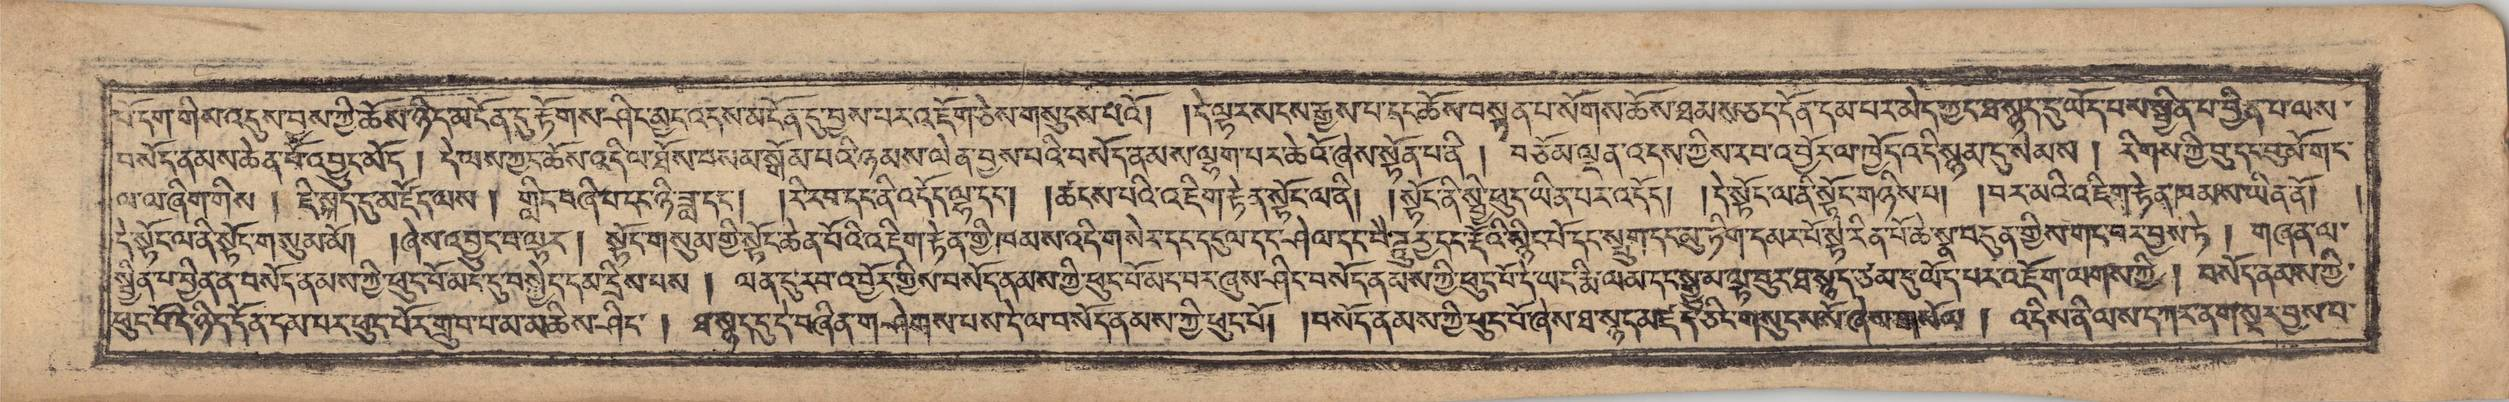པོ་དག་གིས་འདུས་བྱས་ཀྱི་ཆོས་ཉིད་མངོན་དུ་རྟོགས་ཤིང་མྱང་འདས་མངོན་དུ་བྱས་པར་འཇོག་ཅེས་གསུངས་པའོ། །དེ་ལྟར་སངས་རྒྱས་པ་དང་ཆོས་བསྟན་པ་སོགས་ཆོས་ཐམས་ཅད་དོན་དམ་པར་མེད་ཀྱང་ཐ་སྙད་དུ་ཡོད་པས་སྦྱིན་པ་བྱིན་པ་ལས་
བསོད་ནམས་ཆེན་པོ་འབྱུང་མོད། དེ་ལས་ཀྱང་ཆོས་འདི་ལ་ཐོས་བསམ་སྒོམ་པའི་ཉམས་ལེན་བྱས་པའི་བསོད་ནམས་ལྷག་པར་ཆེའོ་ཞེས་སྟོན་པ་ནི། བཅོམ་ལྡན་འདས་ཀྱིས་རབ་འབྱོར་ལ་ཁྱོདའདི་སྙམ་དུ་སེམས། རིགས་ཀྱི་བུ་དང་བུ་མོ་གང་
ལ་ལ་ཞིག་གིས། ཇི་སྐད་དུ་མཛོད་ལས། གླིང་བཞི་པ་དང་ཉི་ཟླ་དང་། །རི་རབ་དང་ནི་འདོད་ལྷ་དང་། །ཚངས་པའི་འཇིག་རྟེན་སྟོང་ལ་ནི། །སྟོང་ནི་སྤྱི་ཕུད་ཡིན་པར་འདོད། །དེ་སྟོང་ལ་ནི་སྟོང་གཉིས་པ། །བར་མའི་འཇིག་རྟེན་ཁམས་ཡིན་ནོ། །
དེ་སྟོང་ལ་ནི་སྟོང་གསུམ་མོ། །ཞེས་འབྱུང་བ་ལྟར། སྟོང་གསུམ་གྱི་སྟོང་ཆེན་པོའི་འཇིག་རྟེན་གྱི་ཁམས་འདི་གསེར་དང་དངུལ་དང་ཤེལ་དང་བཻ་ཌཱུརྱ་དང་རྡོའི་སྙིང་པོ་དང་སྤུག་དང་མུ་ཏིག་དམར་པོ་སྟེ་རིན་པོ་ཆེ་སྣ་བདུན་གྱིས་གང་བར་བྱས་ཏེ། གཞན་ལ་
སྦྱིན་པ་བྱིན་ན་བསོད་ནམས་ཀྱི་ཕུང་པོ་མང་དུ་བསྐྱེད་དམ་དྲིས་པས་། ལན་དུ་རབ་འབྱོར་གྱིས་བསོད་ནམས་ཀྱི་ཕུང་པོ་མང་བར་ཞུས་ཤིང་བསོད་ནམས་ཀྱི་ཕུང་པོ་དེ་ཡང་རྨི་ལམ་དང་སྒྱུ་མ་ལྟ་བུར་ཐ་སྙད་ཙམ་དུ་ཡོད་པར་འཇོག་ལགས་ཀྱི་། བསོད་ནམས་ཀྱི་
ཕུང་པོ་དེ་ཉིད་དོན་དམ་པར་ཕུང་པོར་གྲུབ་པ་མ་མཆིས་ཤིང་། ཐ་སྙད་དུ་དེ་བཞིན་གཤེགས་པས་དེ་ལ་བསོད་ནམས་ཀྱི་ཕུང་པོ། །བསོད་ནམས་ཀྱི་ཕུང་པོ་ཞེས་ཐ་སྙད་མཛད་ཅིང་གསུངས་སོ་ཞེས་གསོལ་། འདིས་ནི་ལས་དཀར་ནག་སྔར་བྱས་པ་